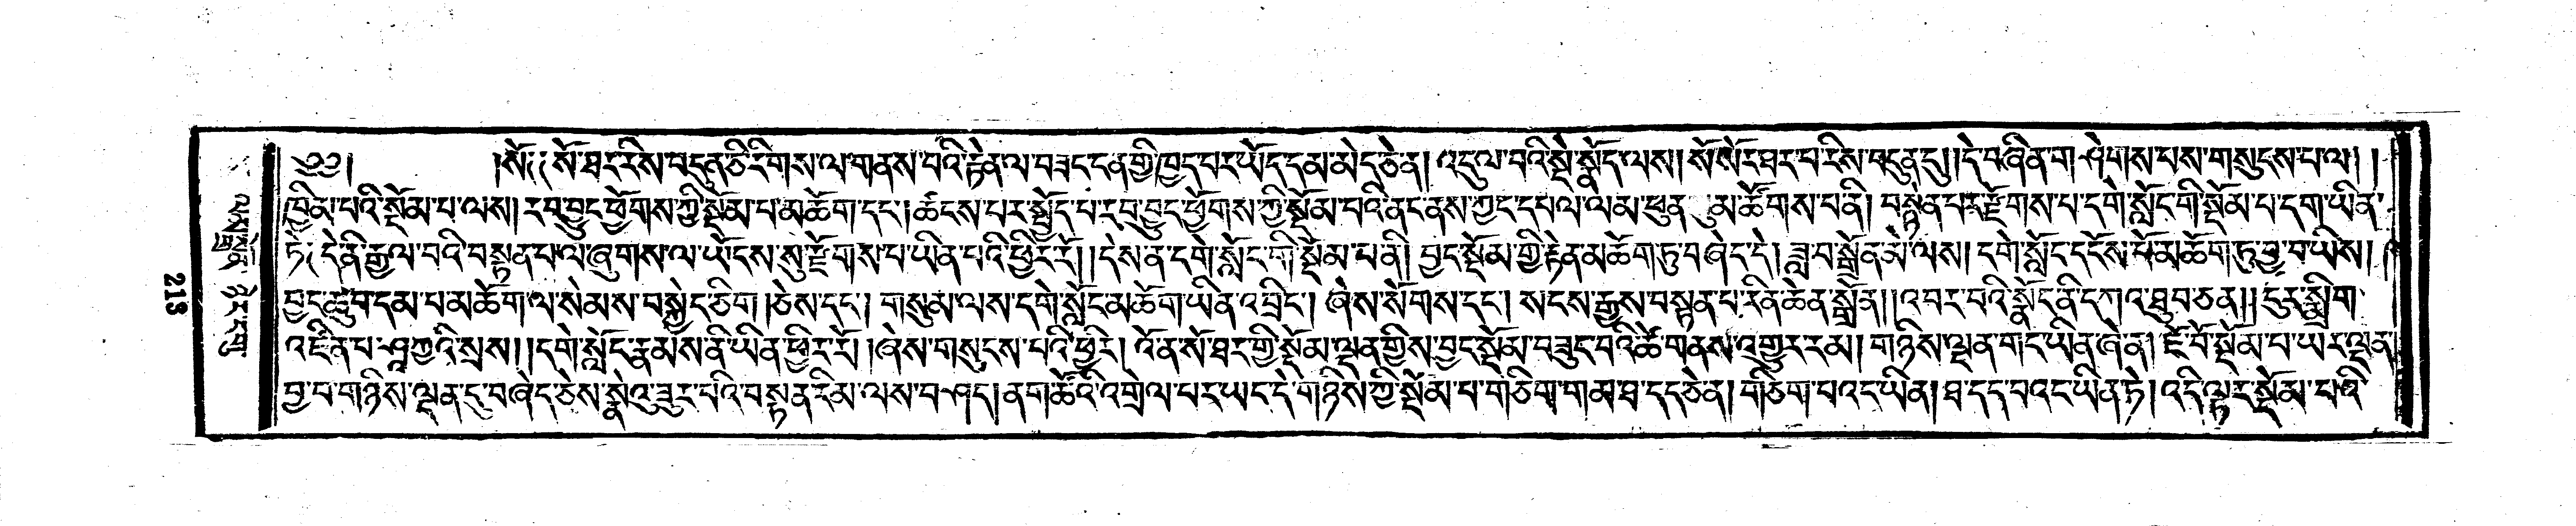༄༅། །སོ། །སོ་ཐར་རིས་བདུན་ཅི་རིགས་ལ་གནས་པའི་རྟེན་ལ་བཟང་ངན་གྱི་ཁྱད་པར་ཡོད་དམ་མེད་ཅེ་ན། འདུལ་བའི་སྡེ་སྣོད་ལས། སོ་སོར་ཐར་པ་རིས་བདུན་དུ། །དེ་བཞིན་གཤེགས་པས་གསུངས་པ་ལ། །
ཁྱིམ་པའི་སྡོམ་པ་ལས། རབ་བྱུང་ཕྱོགས་ཀྱི་སྡོམ་པ་མཆོག་དང་། ཚངས་པར་སྤྱོད་པར་རབ་བྱུང་ཕྱོགས་ཀྱི་སྡོམ་པའི་ནང་ནས་ཀྱང་དཔལ་ལམ་ཕུན་སུམ་ཚོགས་པ་ནི། བསྙན་པར་རྫོགས་པ་དགེ་སློང་གི་སྡོམ་པ་དག་ཡིན་
ཏེ། །དེ་ནི་རྒྱལ་བའི་བསྟན་པ་ལ་ཞུགས་ལ་ཡོངས་སུ་རྫོགས་པ་ཡིན་པའི་ཕྱིར་རོ། །དེས་ན་དགེ་སློང་གི་སྡོམ་པ་ནི། བྱང་སྡོམ་གྱི་རྟེན་མཆོག་ཏུ་བཞེད་དེ། ཟླ་བ་སྒྲོན་མེ་ལས། དགེ་སློང་དངོས་པོ་མཆོག་ཏུ་བྱ་བ་ཡིས། །
བྱང་ཆུབ་དམ་པ་མཆོག་ལ་སེམས་བསྐྱེད་ཅིག །ཅེས་དང་། གསུམ་ལས་དགེ་སློང་མཆོག་ཡིན་འབྲིང་། ཞེས་སོགས་དང་། སངས་རྒྱས་བསྟན་པ་རིན་ཆེན་སྒྲོན། །འབར་བའི་སྣོད་ནི་དཀའ་ཐུབ་ཅན། །ངུར་སྨྲིག་
འཛིན་པ་ཤཱཀྱའི་སྲས། །དགེ་སློང་རྣམས་ནི་ཡིན་ཕྱིར་རོ། །ཞེས་གསུངས་པའི་ཕྱིར། འོ་ན་སོ་ཐར་གྱི་སྡོམ་ལྡན་གྱིས་བྱང་སྡོམ་བཟུང་བའི་ཚེ་གནས་འགྱུར་རམ། གཉིས་ལྡན་གང་ཡིན་ཞེ་ན། ཇོ་བོ་སྡོམ་པ་ཡར་ལྡན་
བྱ་བ་གཉིས་ལྡན་དུ་བཞེད་ཅེས་སྣེའུ་ཟུར་པའི་བསྟན་རིམ་ལས་བཤད། ནག་ཚོའི་འགྲེལ་པར་ཡང་དེ་གཉིས་ཀྱི་སྡོམ་པ་གཅིག་གམ་ཐ་དད་ཅེ་ན། གཅིག་པའང་ཡིན། ཐ་དད་པའང་ཡིན་ཏེ། འདི་ལྟར་སྡོམ་པའི་